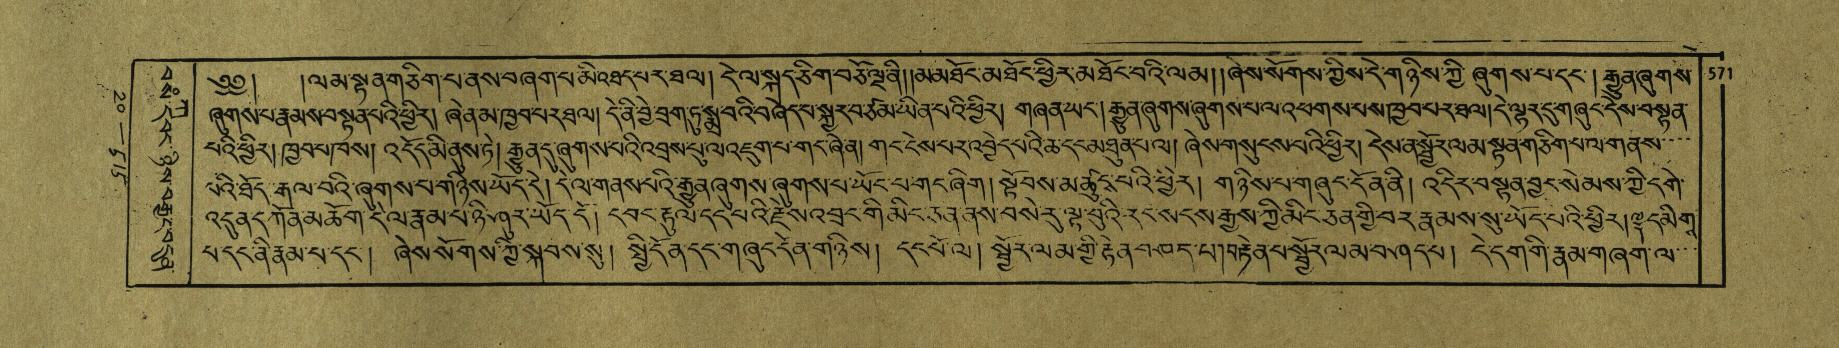༄༅། །ལམ་སྟན་གཅིག་པ་ནས་བཞག་པ་མི་འཐད་པར་ཐལ། དེ་ལ་སྐད་ཅིག་བཅོ་ལྔ་ནི། །མ་མཐོང་མཐོང་ཕྱིར་མཐོང་བའི་ལམ། །ཞེས་སོགས་ཀྱིས་དེ་གཉིས་ཀྱི་ཞུགས་པ་དང་། རྒྱུན་ཞུགས་
ཞུགས་པ་རྣམས་བསྟན་པའི་ཕྱིར། ཞེ་ན་མ་ཁྱབ་པར་ཐལ། དེ་ནི་བྱེ་བྲག་ཏུ་སྨྲ་བའི་བཞེད་པ་སྐྱར་བ་ཙམ་ཡིན་པའི་ཕྱིར། གཞན་ཡང་། རྒྱུན་ཞུགས་ཞུགས་པ་ལ་འཕགས་པས་ཁྱབ་པར་ཐལ། དེ་ལྟར་དུ་གཞུང་དེས་བསྟན་
པའི་ཕྱིར། ཁྱབ་པ་ཁས། འདོད་མི་ནུས་ཏེ། རྒྱུན་དུ་ཞུགས་པའི་འབྲས་བུ་ལ་འཇུག་པ་གང་ཞེ་ན། གང་ངེས་པར་འབྱེད་པའི་ཆ་དང་མཐུན་པ་ལ། ཞེས་གསུངས་པའི་ཕྱིར། དེས་ན་སྦྱོར་ལམ་སྟན་གཅིག་པ་ལ་གནས་
པའི་ཐོད་རྒལ་བའི་ཞུགས་པ་གཉིས་ཡོད་དེ། དེ་ལ་གནས་པའི་རྒྱུན་ཞུགས་ཞུགས་པ་ཡོང་པ་གང་ཞིག །སྟོབས་མཚུངས་པའི་ཕྱིར། གཉིས་པ་གཞུང་དོན་ནི། འདིར་བསྟན་བྱང་སེམས་ཀྱི་དགེ་
འདུན་དཀོན་མཆོག་དེ་ལ་རྣམ་པ་ཉི་ཤུར་ཡོད་དོ། དབང་རྟུལ་དད་པའི་རྗེས་འབྲང་གི་མིང་ཅན་ནས་བསེ་རུ་ལྟ་བུའི་རང་སངས་རྒྱས་ཀྱི་མིང་ཅན་གྱི་བར་རྣམས་སུ་ཡོད་པའི་ཕྱིར། ༈ དམིགས་
པ་དང་ནི་རྣམ་པ་དང་། ཞེས་སོགས་ཀྱི་སྐབས་སུ། སྤྱི་དོན་དང་གཞུང་དོན་གཉིས། དང་པོ་ལ། སྦྱོར་ལམ་གྱི་རྟེན་བཤད་པ། བརྟེན་པ་སྦྱོར་ལམ་བཤད་པ། དེ་དག་གི་རྣམ་གཞག་ལ་